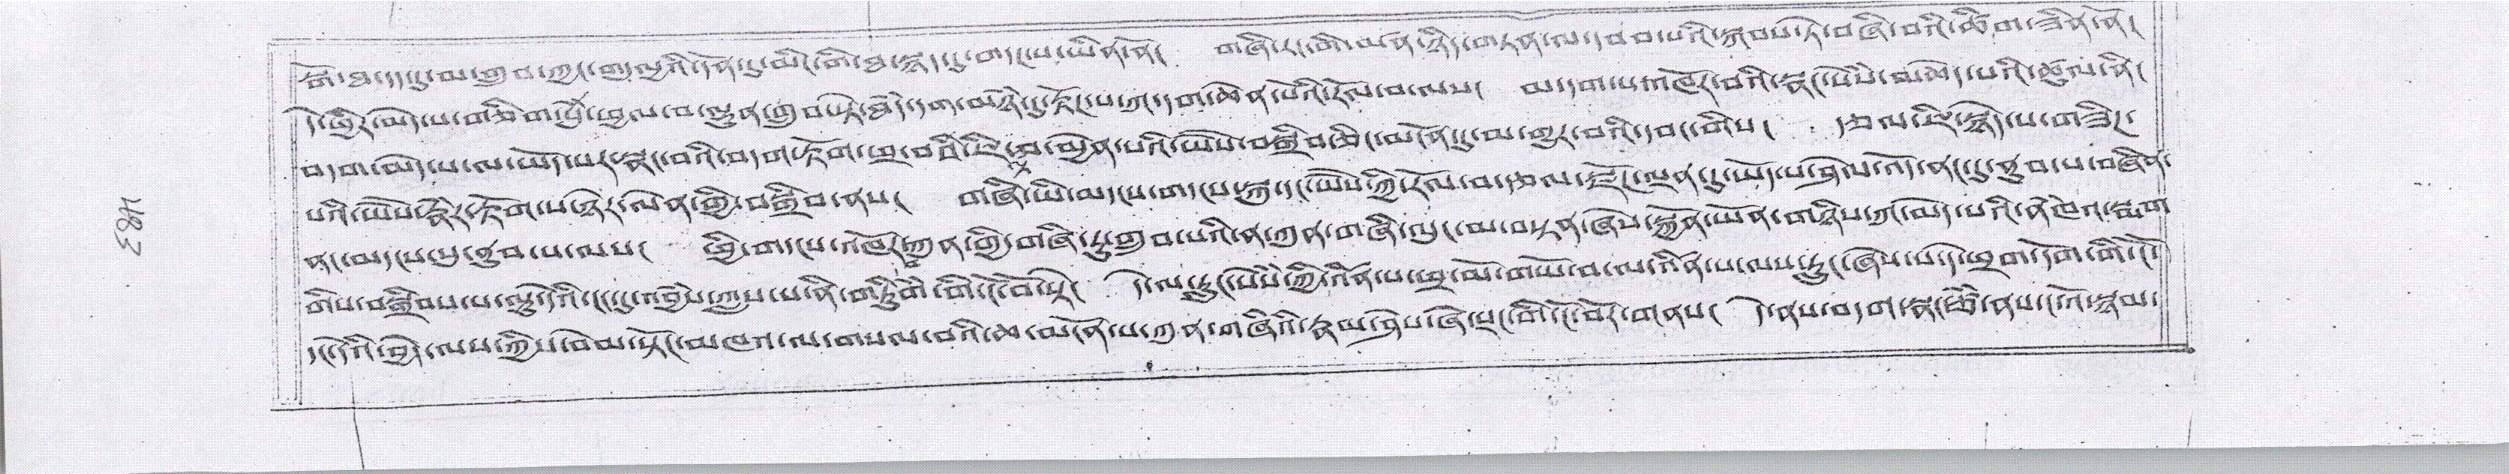སྒོ་ཐ་དད་དུ་མ་གྲུབ་ཀྱང་གདུལ་བྱའི་དོན་དུ་མིང་གི་ཐ་སྙད་དུ་གདགས་པ་ཡིན་ནོ། གཞི་རང་གི་མཚན་ཉིད་གཏན་ལ་དབབ་པའི་སྐབས་ཏེ་བཞི་པའི་ཚིག་ཟིན་ནོ། །
དེ་ཕྱིར་མེད་པ་གཅིག་པུ་ཕྱལ་བ་ལྷུན་གྲུབ་སྟེ། ཐམས་ཅད་དག་མཉམ་དུ་རྟོགས་པ་ཀ་དག་ཆེན་པོིའི་རོལ་པ་ལས། མ་དག་པ་འཁོར་བའི་སྣང་སེམས་མཆེད་པའི་ཚུལ་ནི། 
བདག་མེད་པ་ལ་ཡོད་པར་སྣང་བའི་བདག་རྟོག་ཕྲ་བའི་ཇི་ལྟ་བ་མཁྱེན་པའི་ཡེ་ཤེས་བསྒྲིབ་ཅིང་མངོན་དུ་མ་གྱུར་པའི་དབང་གིས། རྩལ་ཇི་སྙེད་པ་གཟིགས་
པའི་ཡེ་ཤེས་རྣམ་པར་རྟོག་པ་ཉེར་ལེན་གྱིས་བསྒྲིབས་ནས། གཞིོ་ཡི་མདངས་གདངས་སྐུ་དང་ཡེ་ཤེས་རོལ་པ་རྩལ་རྫོགས་ལྡན་དུ་ཡོད་པ་ཤེལ་འོད་ནང་དུ་ནུབ་པ་བཞིན་
ནང་མདངས་སུ་ནུབ་པ་ལས། ཕྱི་གདངས་འཁོར་བ་ཀུན་གྱི་གཞི་རུ་གྲུབ་པས་ན་ཀུན་གཞི་ལུང་མ་བསྟན་ཞེས་སྐྱོན་ཡོན་གཉིས་ཀ་མེད་པའི་ནམ་མཁའ་སྨག་
གིས་བསྒྲིབས་པ་ལྟ་བུ་དེའི་ངང་དུ་འབྱམས་ཀླས་པ་ནི་གཏི་མུག་གི་ངོ་བོ་སྟེ། དེ་ལ་རླུང་སེམས་ཀྱི་འཛིན་པ་ཕྲ་མོ་གཡོ་བ་ལ་འཛིན་པ་ལས་རླུང་ཞེས་པ་དེ་ཕྲག་དོག་གི་ངོ་བོ་
དང་དེའི་བྱེད་ལས་ཀྱིས་བེམ་སྟོང་མཁའ་ལ་གསལ་བའི་ཆ་མངོན་པ་ཀུན་གཞིའི་རྣམ་ཤེས་ཞེ་སྡང་གི་ངོ་བོར་གནས། དེ་ནས་བདག་སྣང་ཙམ་ནས་ངའོ་སྙམ་